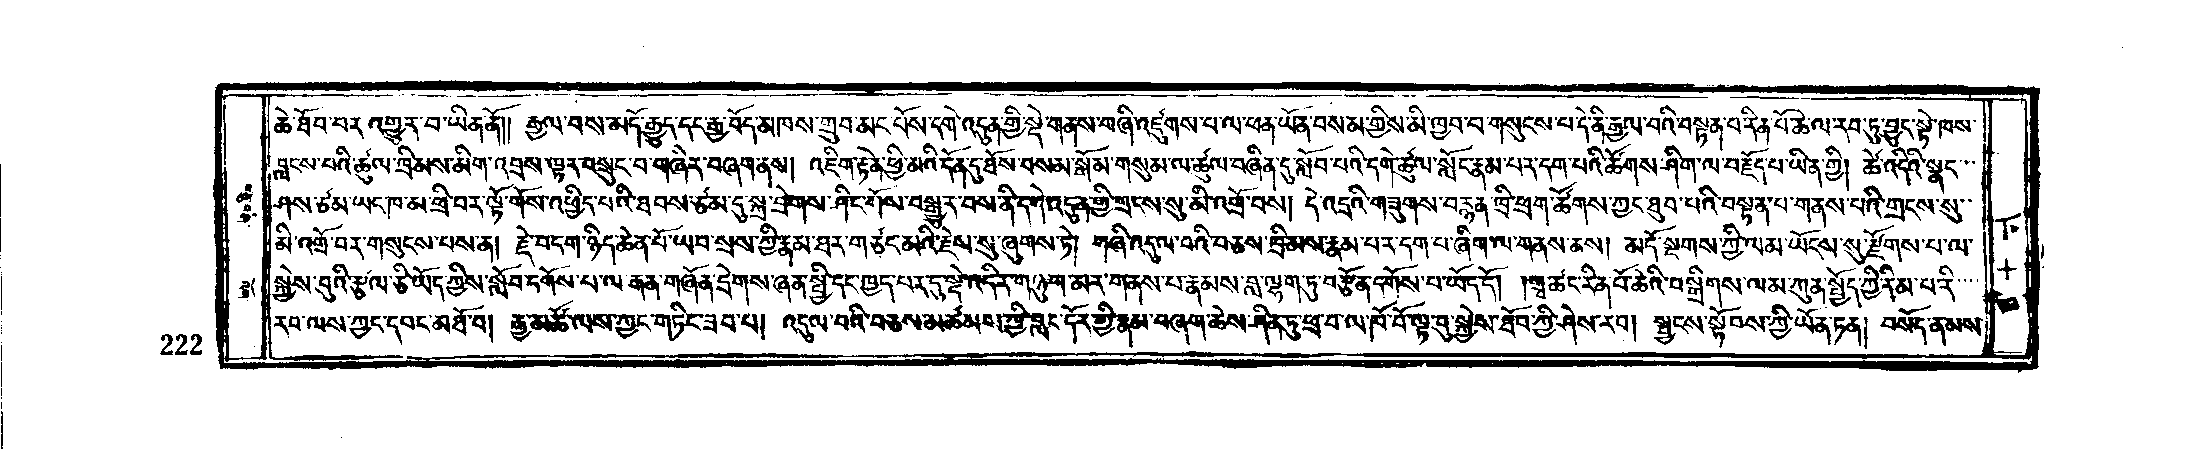ཆེ་ཐོབ་བར་འགྱུར་བ་ཡིན་ནོ།། རྒྱལ་བས་མདོ་རྒྱུད་དང་རྒྱ་བོད་མཁས་གྲུབ་མང་པོས་དགེ་འདུན་གྱི་སྡེ་གནས་གཞི་འཛུགས་པ་ལ་ཕན་ཡོན་བསམ་གྱིས་མི་ཁྱབ་པ་གསུངས་པ་དེ་ནི་རྒྱལ་བའི་བསྟན་པ་རིན་པོ་ཆེ་ལ་རབ་ཏུ་བྱུང་སྟེ་ཁས་
བླངས་པའི་ཚུལ་ཁྲིམས་མིག་འབྲས་ལྟར་བསྲུང་བ་གཞིར་བཞག་ནས། འཇིག་རྟེན་ཕྱི་མའི་དོན་དུ་ཐོས་བསམ་སྒོམ་གསུམ་ལ་ཚུལ་བཞིན་དུ་སློབ་པའི་དགེ་ཚུལ་སློང་རྣམ་པར་དག་པའི་ཚོགས་ཤིག་ལ་བརྗོད་པ་ཡིན་གྱི། ཚེ་འདིའི་སྣང་
ཤས་ཙམ་ཡང་ཁ་མ་ཕྲི་བར་ལྟོ་གོས་འཕྱིད་པའི་ཐབས་ཙམ་དུ་སྐྲ་བྲེགས་ཤིང་གོས་བསྒྱུར་བས་ནི་དགེ་འདུན་གྱི་གྲངས་སུ་མི་འགྲོ་བས། དེ་འདྲའི་གཟུགས་བརྙན་ཁྲི་ཕྲག་ཚོགས་ཀྱང་ཐུབ་པའི་བསྟན་པ་གནས་པའི་གྲངས་སུ་
མི་འགྲོ་བར་གསུངས་པས་ན། རྗེ་བདག་ཉིད་ཆེན་པོ་ཡབ་སྲས་ཀྱི་རྣམ་ཐར་གཙང་མའི་རྗེས་སུ་ཞུགས་ཏེ། གཞི་འདུལ་བའི་བཅས་ཁྲིམས་རྣམ་པར་དག་པ་ཞིག་ལ་གནས་ནས། མདོ་སྔགས་ཀྱི་ལམ་ཡོངས་སུ་རྫོགས་པ་ལ་
སྐྱེས་བུའི་རྩལ་ཅི་ཡོད་ཀྱིས་སློབ་དགོས་པ་ལ་རྒན་གཞོན་དྲེགས་ཞན་སྤྱི་དང་ཁྱད་པར་དུ་སྡེ་འདིར་གཉུག་མར་གནས་པ་རྣམས་བླ་ལྷག་ཏུ་བརྩོན་དགོས་པ་ཡོད་དོ། །གྲྭ་ཚང་རིན་པོ་ཆེའི་བསྒྲིགས་ལམ་ཀུན་སྤྱོད་ཀྱི་རིམ་པ་རི་
རབ་ལས་ཀྱང་དབང་མཐོ་བ། རྒྱ་མཚོ་ལས་ཀྱང་གཏིང་ཟབ་པ། འདུལ་བའི་བཅས་མཚམས་ཀྱི་བླང་དོར་གྱི་རྣམ་བཞག་ཆེས་ཤིན་ཏུ་ཕྲ་བ་ལ་ཁོ་བོ་ལྟ་བུ་སྐྱེས་ཐོབ་ཀྱི་ཤེས་རབ། སྦྱངས་སྟོབས་ཀྱི་ཡོན་ཏན། བསོད་ནམས་